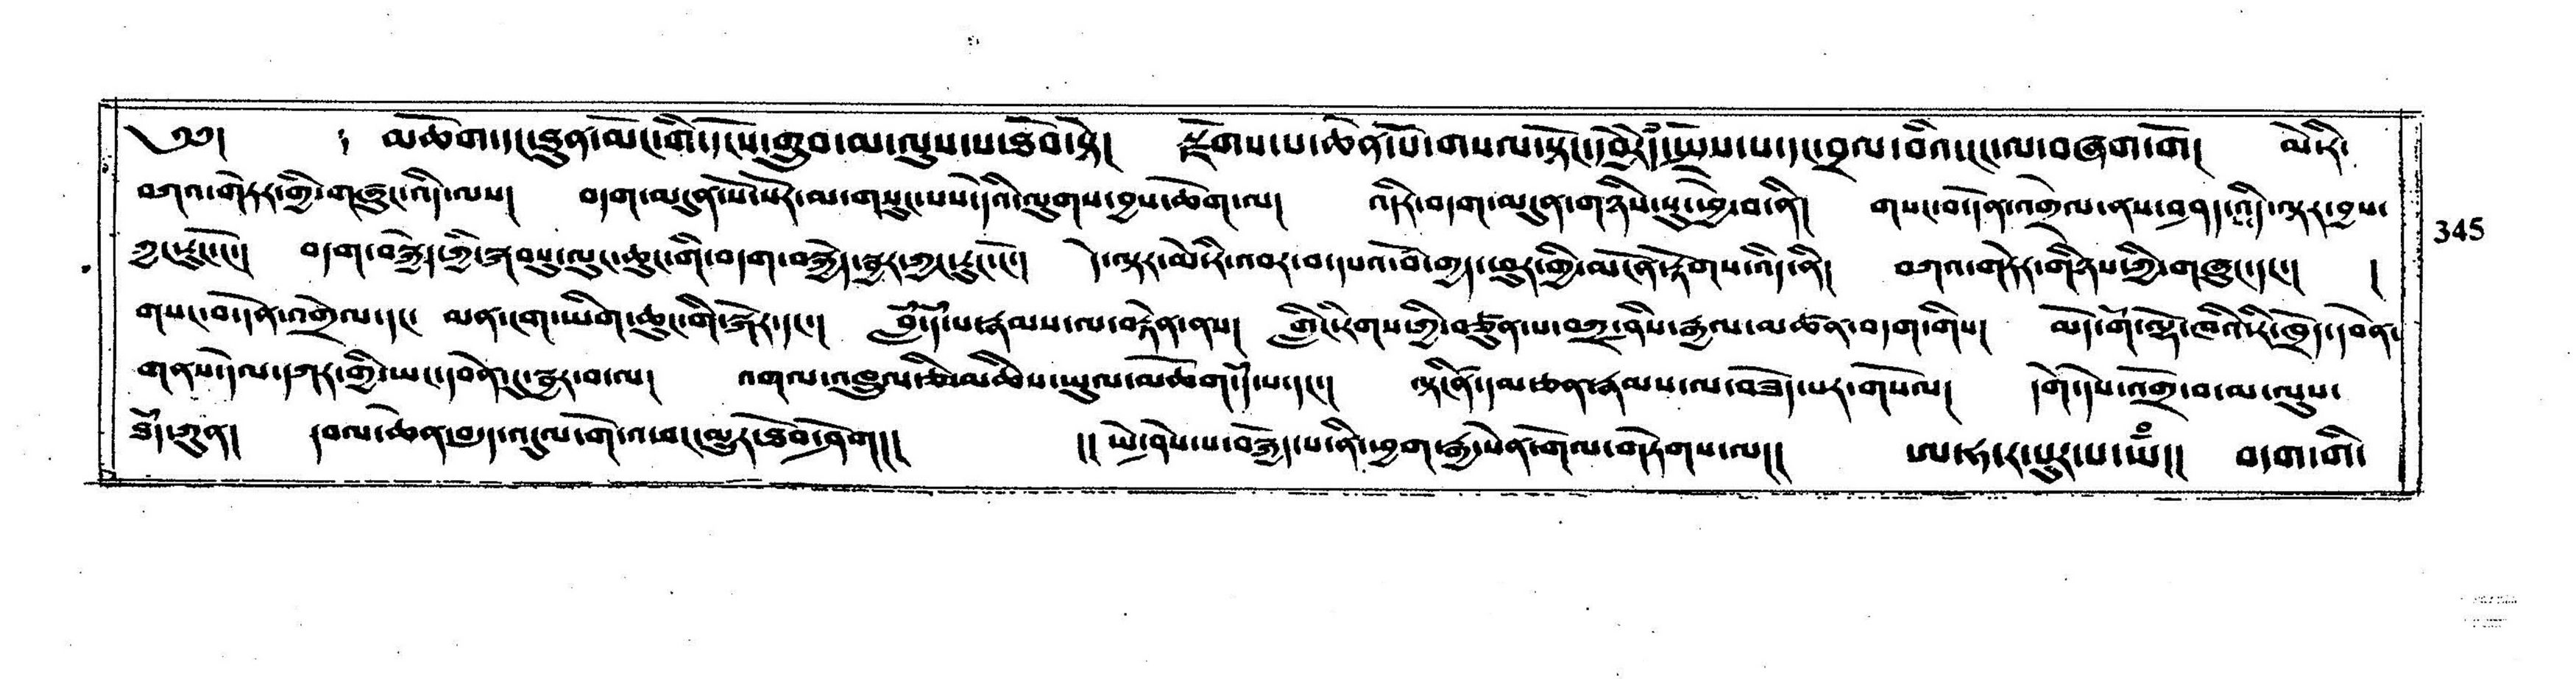མཆོག་དང་ཐུན་མོང་གི་དངོས་གྲུབ་མ་ལུས་པ་ཐོབ་སྟེ། རྫོགས་པ་ཆེན་པོ་གསལ་སྟོང་དབྱེར་མེད་སྤྲོས་པ་དང་བྲལ་བའི་ངང་ལ་བཞག་གོ། མེ་རི་
བཀའ་གཏེར་གྱི་གཞུང་འདི་ལས། བདག་མདུན་སོ་སོར་མ་གསུང་པས་དེའི་ལུགས་བྱས་ཆོག་ལ། འདིར་བདག་མདུན་གཉིས་སུ་ཕྱེ་བ་ནི། གསང་བ་དོན་འགྲེལ་ནས་བཤད་པ་འདི་ལྟར་བྱས་
ཀྱང་རུང་ངོ་། བདག་བསྐྱེད་ཀྱི་སྐབས་སུ་ལུང་ཆུང་གི་བདག་བསྐྱེད་སྦྱར་ཀྱང་རུང་ངོ་། དེ་ལྟར་མེ་རི་འབར་བ་དཔའ་བོ་གྱད་ཕུར་གྱི་མངོན་རྟོགས་འདི་ནི། བཀའ་གཏེར་གཉིས་ཀྱི་གཞུང་དང་། 
གསང་བ་དོན་འགྲེལ་དང་མན་ངག་ཡིག་ཆུང་གི་སྐོར་དང་། བླ་མ་དམ་པ་རྣམས་ལ་བརྟེན་ནས། གླིང་རིགས་ཀྱི་བཙུན་པ་བཀྲ་ཤིས་རྒྱལ་མཚན་བདག་གིས། མདོ་གམ་ལྷ་ཁའི་རི་ཁྲོད་དབེན་
གནས་དེལ་དཀར་གྱི་ཡང་དབེན་དུ་སྦྱར་བ་ལ། འགལ་འཁྲུལ་ཅི་མཆིས་ཡུལ་མཆོག་དམ་པ་དང་། ལྟང་འཛིན་དམ་ཅན་རྣམས་ལ་བཟོད་པར་གསོལ། དགེ་དེས་འགྲོ་བ་མ་ལུས་
ཐམས་ཅད་ཀུན། དབལ་ཆེན་བདུད་འདུལ་གོ་འཕང་མྱུར་ཐོབ་ཤོག །། །།ཡེ་ཤེས་པ་བསྐྱོད་པ་ནི་ཕྱག་རྒྱ་སེན་གོལ་གཏེགས་ལ།། ཨ་ཧ་ར་པུར་པ་ཡྃ།། བདག་གི་